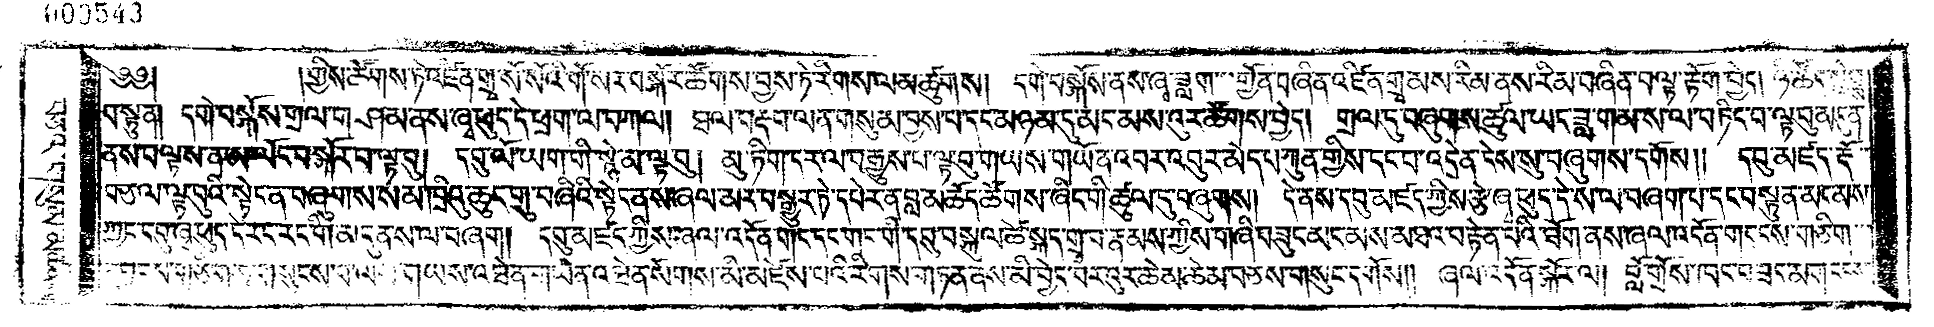༄༅། །གྱིས་ཚོགས་ཏེ་འཛིན་གྲྭ་སོ་སོའི་གོ་སར་བསྐོར་ཚོགས་བྱས་ཏེ་རིགས་ལམ་ཚུགས། དགེ་བསྐོས་ནས་ཞྭ་ཟླག་གྱོན་བཞིན་འཛིན་གྲྭ་མས་རིམ་ནས་རིམ་བཞིན་བལྟ་རྟོག་བྱེད། ཉི་ཚོད་སླེབས་
བ་སྟུན། དགེ་བསྐོས་གྲལ་གཤམ་ནས་ཞྭ་ཕུང་དེ་ཕྲག་ལ་བཀལ། ཐལ་བརྡབ་ལན་གསུམ་བྱས་པ་དང་མཉམ་དུ་མང་མས་འུར་ཚོགས་བྱེད། གྲལ་དུ་བཞུགས་ཚུལ་ཡང་ཟླ་གམ་ས་ལ་བཏིང་བ་ལྟ་བུ་མདུན་
ནས་བལྟས་ན་ཨ་ལོང་བསྐོར་བ་ལྟ་བུ། དབུ་ལོ་ཡག་གི་སྙེ་མ་ལྟ་བུ། མུ་ཏིག་དར་ལ་བརྒྱུས་པ་ལྟ་བུ་གཡས་གཡོན་འབར་འབུར་མེད་པ་ཀུན་གྱིས་དང་བ་འདྲེན་ངེས་སུ་བཞུགས་དགོས། །དབུ་མཛད་རྡོ་
བཅལ་ལྟ་བུའི་སྟེང་ན་བཞུགས་སམ་ཁྲིའུ་ཆུང་གྲུ་བཞིའི་སྟེང་ནས་ཞལ་མར་བསྒྱུར་ཏེ་དཔེར་ན་བླ་མཆོད་ཚོགས་ཞིང་གི་ཚུལ་དུ་བཞུགས། དེ་ནས་དབུ་མཛད་ཀྱིས་རྩེ་ཞྭ་ཕུད་དེ་ས་ལ་བཞག་པ་དང་བསྟུན་མང་མས་
ཀྱང་དབུ་ཞྭ་ཕུད་དེ་རང་རང་གི་མདུན་ས་ལ་བཞག །དབུ་མཛད་ཀྱིས་ཞལ་འདོན་གང་དང་གང་གི་དབུ་བསྐུལ་ཚེ་སྐད་གྲྭ་བ་རྣམས་ཀྱིས་གཞི་བཟུང་མང་མས་མཐའ་བརྟེན་པའི་ཐོག་ནས་ཞལ་འདོན་གདངས་གཅིག་
དབྱངས་གཅིག་ཏུ་གསུངས་པ་ལས་གཡས་འཐེན་གཡན་འཐེན་སོགས་མི་མཛེས་པའི་རིགས་གཏན་ནས་མི་བྱེད་པར་འུར་ཆེམ་ཆེམ་བཅས་གསུང་དགོས། །ཞལ་འདོན་སྐོར་ལ། བློ་གྲོས་ཁང་བཟང་མ་གདངས་